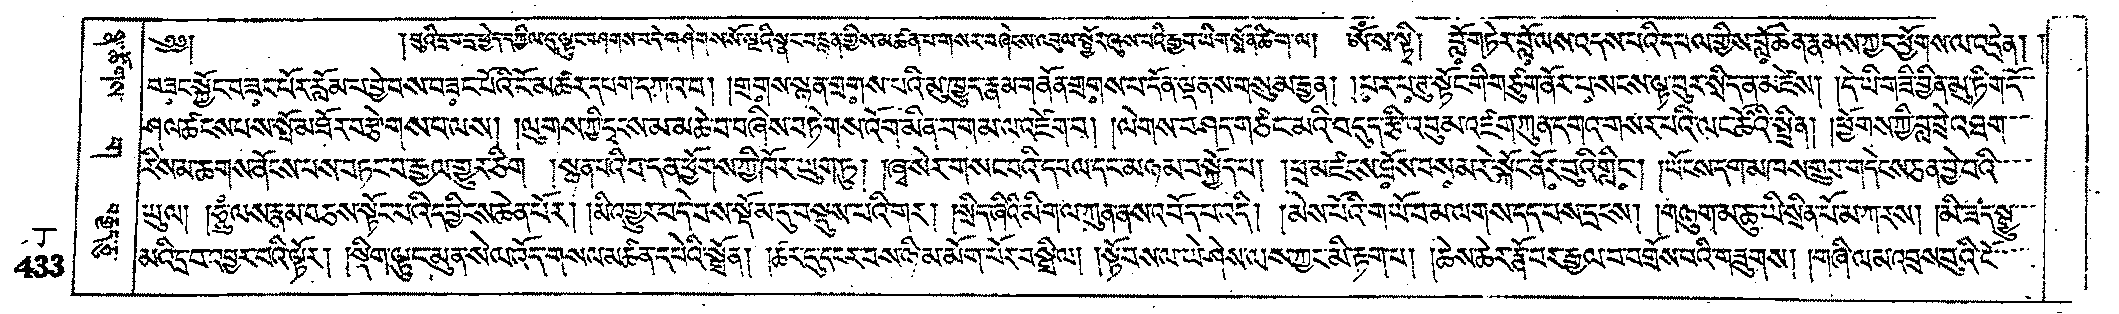༄༅། །བུའི་དྲ་བ་དྲ་ཕྱེད་དཀྱིལ་དུ་ལྟུང་བཤགས་བདེ་གཤེགས་སོ་ལྔའི་སྣང་བརྙན་གྱིས་མཚན་པ་གསར་བཞེངས་འབུལ་སྦྱོར་ཞུས་པའི་རྒྱབ་ཡིག་སྨོན་ཚིག་ལ། ཨོཾ་སྭ་སྟྭི། བློ྾་གཏེར་བློ྾་ལས་འདས་པའི་དཔལ་གྱིས་བློ྾་ཆེན་རྣམས་ཀྱང་ཕྱོགས་ལ་འདྲེན། །
བཟང྾་སྐྱོང་བཟང྾་པོར་རློམ་པ་བྱེ་བས་བཟང྾་པོའི་ངོ་མཚར་དཔག་དཀའ་བ། །གྲགས྾་སྙན་གྲགས྾་པའི་མུ་ཁྱུད་རྣམ་གནོན་གྲགས྾་པ་དོན་ལྡན་ས་གསུམ་རྒྱན། །པ྾་ར་པ྾་ཊུ་སྟོང་གི་གཙུག་ནོར་པ྾་སངས་ལྟ་བུར་སྲིད་ན་མཛེས། །དེ་ཡི་གཟི་བྱིན་མུ་ཏིག་དོ་་་
ཤལ་ཚངས་པས་སྤོ་མཐོར་བརྩེགས་པ་ལས། །ལུགས་ཀྱི་དྭངས་མ་མཆེ་བ་བཞིས་བཙེགས་འོག་མིན་བ་གམ་ལ་འཛེག་པ། །ལེགས་བཤད་གཙང་མའི་བདུད་རྩི་འབུམ་འཛག་ཀུན་དགའ་གསར་པའི་ལང་ཚོའི་སྤྲིན། །ཕྱོགས་ཀྱི་བླ་བྲེ་འཐག་་་
རིས་མ་ཆགས་ནོངས་པས་བཏང་བ་རྒྱལ་གྱུར་ཅིག །སྙན་པའི་བ་དན་ཕྱོགས་ཀྱི་ཁོར་ཡུག་ཏུ། །ཞྭ་སེར་གསང་བའི་དཔལ་དང་མཉམ་བསྐྱོད་པ། །ཕྲ་མཛངས་ཐོས྾་བསམ྾་རེ་སྐོང་ནོར྾་བུའི་གླིང྾། །ཡོངས་དག་མཁས་གྲུབ་གདེངས་ཅན་བྱེ་བའི་་་
ཡུལ། །ཧཱུཾ་ལས་རྣམ་བཅས་སྟོང་པའི་དབྱིངས་ཆེན་པོར། །མི་འགྱུར་བདེ་བས་སྡོམ་དུ་བསྡུས་པའི་གར། །སྲིད་ཞིའི་མིག་ལ་ཀུན་ནས་འབོད་པ་འདི། །མེས་པོའི་གཡོ་བ་མ་ལགས་དད་པས་དྲངས། །གཉུག་མ་ཆུ་ཡི་སྲིན་པོ་མ་ཀ་རས། །མི་ཟད་སྒྱུ་་་
མའི་དྲ་བ་འཕྱར་བའི་ལྟོར། །སྡིག་ལྟུང་མུན་སེལ་འོད་གསལ་མཚན་དཔེའི་སྒྲོན། །ཚར་དུ་དངར་བས་ཉི་མ་མོག་པོར་བསྒྲིལ། །སྟོབས་ལ་ཡེ་ཤེས་ལས་ཀྱང་མི་རྟག་པ། །ཆེས་ཆེར་རྣོ་བར་རྒྱལ་བ་བགྲོས་པའི་གཟུགས། །གཞི་ལམ་འབྲས་བུའི་ངོ་་་